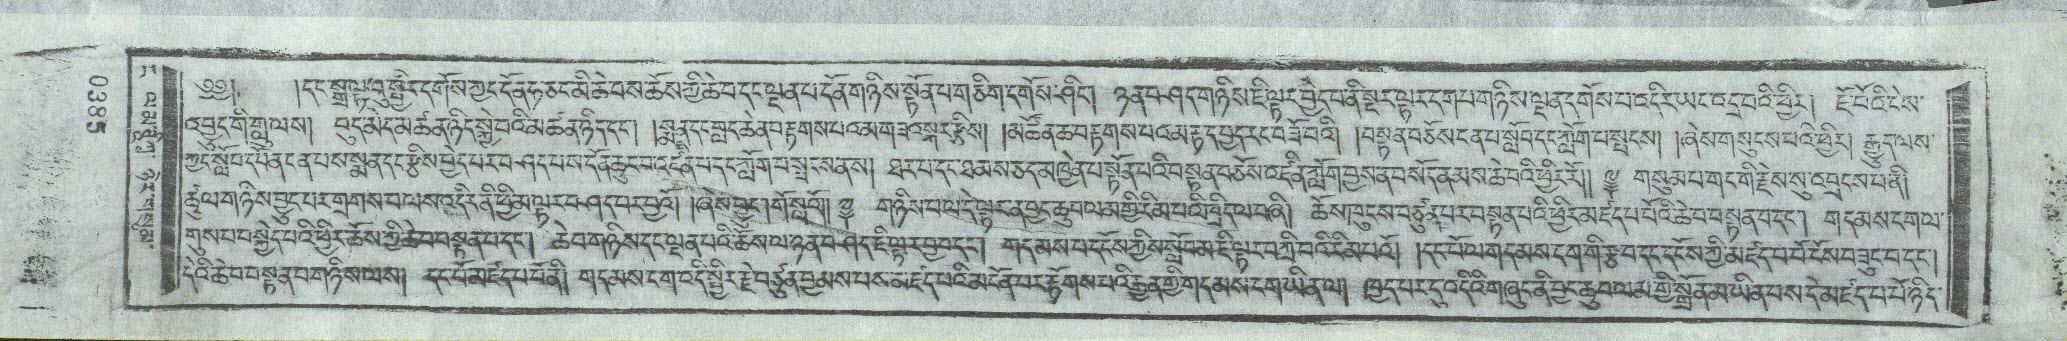༄༅། །དང་སྒྲ་ལྟ་བུ་སྤྱིར་དགོས་ཀྱང་དོན་ཧ་ཅང་མི་ཆེ་བས་ཆོས་ཀྱི་ཆེ་བ་དང་ལྡན་པ་དོན་གཉིས་སྟོན་པ་གཅིག་དགོས་ཤིང་། ཉན་བཤད་གཉིས་ཇི་ལྟར་བྱེད་པ་ནི་སྔར་ལྟར་དག་པ་གཉིས་ལྡན་དགོས་པ་འདིར་ཡང་འདྲ་བའི་ཕྱིར། ཇོ་བོའི་ངེས་
འབྱུང་གི་གླུ་ལས། བུད་མེད་མཚན་ཉིད་སྐྱེ་བའི་མཚན་ཉིད་དང་། །སྨན་དང་གླང་ཆེན་བརྟགས་པའམ་གཟའ་སྐར་རྩིས། །མཚོན་ཆ་བརྟགས་པའམ་རྟ་དཔྱད་རང་བཟོ་བའི། །བསྟན་བཅོས་ངན་པ་སློབ་དང་ཀློག་པ་སྤངས། །ཞེས་གསུངས་པའི་ཕྱིར། རྒྱུད་ལས་
ཀྱང་སློབ་དཔོན་ངན་པས་སྨན་དང་རྩིས་བྱེད་པར་བཤད་པས་དོན་ཆུང་བ་འཛིན་པ་དང་ཀློག་པ་སྤངས་ནས། ཐར་པ་དང་ཐམས་ཅད་མཁྱེན་པ་སྟོན་པའི་བསྟན་བཅོས་འཛིན་ཀློག་བྱས་ན་བསོད་ནམས་ཆེ་བའི་ཕྱིར་རོ། །༈ གསུམ་པ་གང་གི་རྗེས་སུ་འབྲངས་པ་ནི།
ཚུལ་གཉིས་བྱུང་བར་གྲགས་པ་ལས་འདིར་ནི་ཕྱི་མ་ལྟར་བཤད་པར་བྱའོ། །ཞེས་བྱུང་། གོ་སླའོ།།༈ གཉིས་པ་ལ་དེ་ལྟར་ན་བྱང་ཆུབ་ལམ་གྱི་རིམ་པའི་ཁྲིད་ལ་བཞི། ཆོས་ཁུངས་བཙུན་པར་བསྟན་པའི་ཕྱིར་མཛད་པ་པོའི་ཆེ་བ་བསྟན་པ་དང་། གདམས་ངག་ལ་
གུས་པ་བསྐྱེད་པའི་ཕྱིར་ཆོས་ཀྱི་ཆེ་བ་བསྟན་པ་དང་། ཆེ་བ་གཉིས་དང་ལྡན་པའི་ཆོས་ལ་ཉན་བཤད་ཇི་ལྟར་བྱ་བ་དང་། གདམས་པ་དངོས་ཀྱིས་སློབ་མ་ཇི་ལྟར་བཀྲི་བའི་རིམ་པའོ། །དང་པོ་ལ་གདམས་ངག་གི་རྩ་བ་དང་དངོས་ཀྱི་མཛད་པ་པོ་ངོས་བཟུང་བ་དང་།
དེའི་ཆེ་བ་བསྟན་པ་གཉིས་ལས། དང་པོ་མཛད་པ་པོ་ནི། གདམས་ངག་འདི་སྤྱིར་རྗེ་བཙུན་བྱམས་པས་མཛད་པའི་མངོན་པར་རྟོགས་པའི་རྒྱན་གྱི་གདམས་ངག་ཡིན་ལ། ཁྱད་པར་དུ་འདིའི་གཞུང་ནི་བྱང་ཆུབ་ལམ་གྱི་སྒྲོན་མ་ཡིན་པས་དེ་མཛད་པ་པོ་ཉིད་